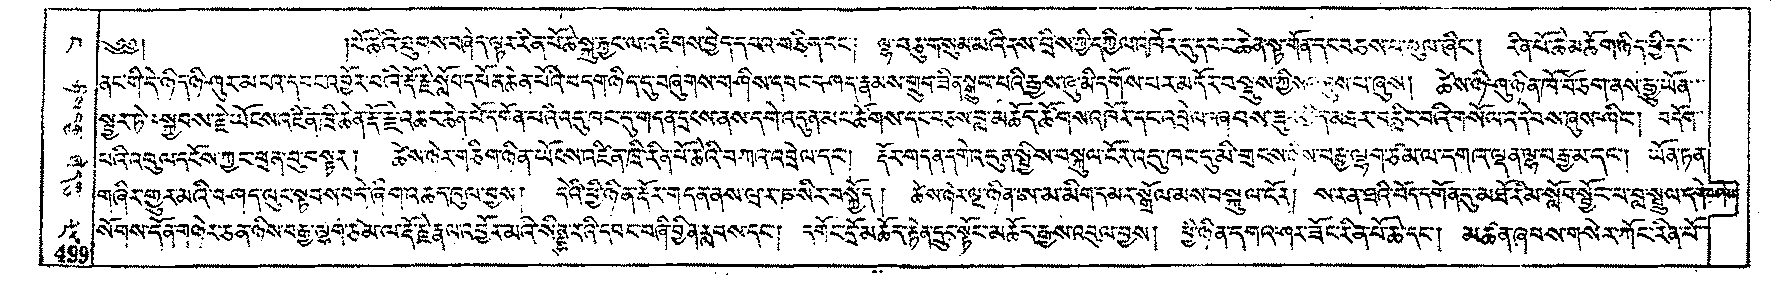༄༅། །པོ་ཆེའི་ཐུགས་བཞེད་ལྟར་རིན་པོ་ཆེ་སྐུ་རྐྱང་ལ་འཇིགས་བྱེད་དཔའ་གཅིག་དང་། ལྷ་བཅུ་གསུམ་མའི་རས་བྲིས་ཀྱི་དཀྱིལ་འཁོར་དུ་དབང་ཆེན་སྟ་གོན་དང་བཅས་པ་ཕུལ་ཞིང་། རིན་པོ་ཆེ་མཆོག་ཉིད་ཕྱི་དང་
ནང་གི་དེ་ཉིད་ཉི་ཤུར་མངའ་དབང་འབྱོར་བའི་རྡོ་རྗེ་སློབ་དཔོན་ཆེན་པོའི་བདག་ཉིད་དུ་བཞུགས་གཤིས་དབང་བཤད་རྣམས་གྲུབ་ཟིན་སྒྲུབ་པའི་རྒྱས་ཞུ་མི་དགོས་པར་མདོར་བསྡུས་ཀྱིས་འཐུས་པ་ཞུས། ཚེས་ཉི་ཤུ་ཉིན་ཁོ་བོ་ཅག་ནས་རྒྱུ་ཡོན་
སྦྱར་ཏེ་༧སྐྱབས་རྗེ་ཡོངས་འཛིན་ཁྲི་ཆེན་རྡོ་རྗེ་འཆང་ཆེན་པོ་དགོན་པའི་འདུ་ཁང་དུ་གདན་དྲངས་ནས་དགེ་འདུན་མང་ཚོགས་དང་བཅས་བླ་མཆོད་ཚོགས་འཁོར་དང་འབྲེལ་༧ཞབས་ཟུང་སྲིད་མཐར་བརླིང་བའི་གསོལ་འདེབས་ཞུས་ཤིང་། བདོག་
པའི་འབུལ་དངོས་ཀྱང་ཕྲན་བུ་བསྟར། ཚེས་ཉེར་གཅིག་ཉིན་ཡོངས་འཛིན་ཁྲི་རིན་པོ་ཆེའི་བཀའ་འབྲེལ་དང་། རྡོར་གདན་དགེ་འདུན་སྤྱིས་བསྐུལ་ངོར་འདུ་ཁང་དུ་མི་གྲངས་ཉིས་བརྒྱ་ལྷག་ཙམ་ལ་དགའ་ལྡན་ལྷ་བརྒྱ་མ་དང་། ཡོན་ཏན་
གཞིར་གྱུར་མའི་བཤད་ལུང་སྟབས་བདེ་ཞིག་འཆད་ཁུལ་བྱས། དེའི་ཕྱི་ཉིན་རྡོར་གདན་ནས་ཝ་ར་ཎ་སིར་བསྐྱོད། ཚེས་ཉེར་ལྔ་ཉིན་ཨ་མ་མིག་དམར་སྒྲོལ་མས་བསྐུལ་ངོར། ས་ར་ན་ཐའི་བོད་དགོན་དུ་མཐོ་རིམ་སློབ་སྦྱོང་པ་བླ་སྤྲུལ་དགེ་བཤེས་
སོགས་དོན་གཉེར་ཅན་ཉིས་བརྒྱ་ལྷག་ཙམ་ལ་རྡོ་རྗེ་རྣལ་འབྱོར་མའི་སིནྡྷུ་རའི་དབང་བཞི་བྱིན་རླབས་དང་། དགོང་དྲོ་མཆོད་རྟེན་དྲུང་སྟོང་མཆོད་རྒྱས་འབུལ་བྱས། ཕྱི་ཉིན་དགའ་ཤར་ཟོང་རིན་པོ་ཆེ་དང་། མཚན་ཞབས་གསེར་ཀོང་རིན་པོ་